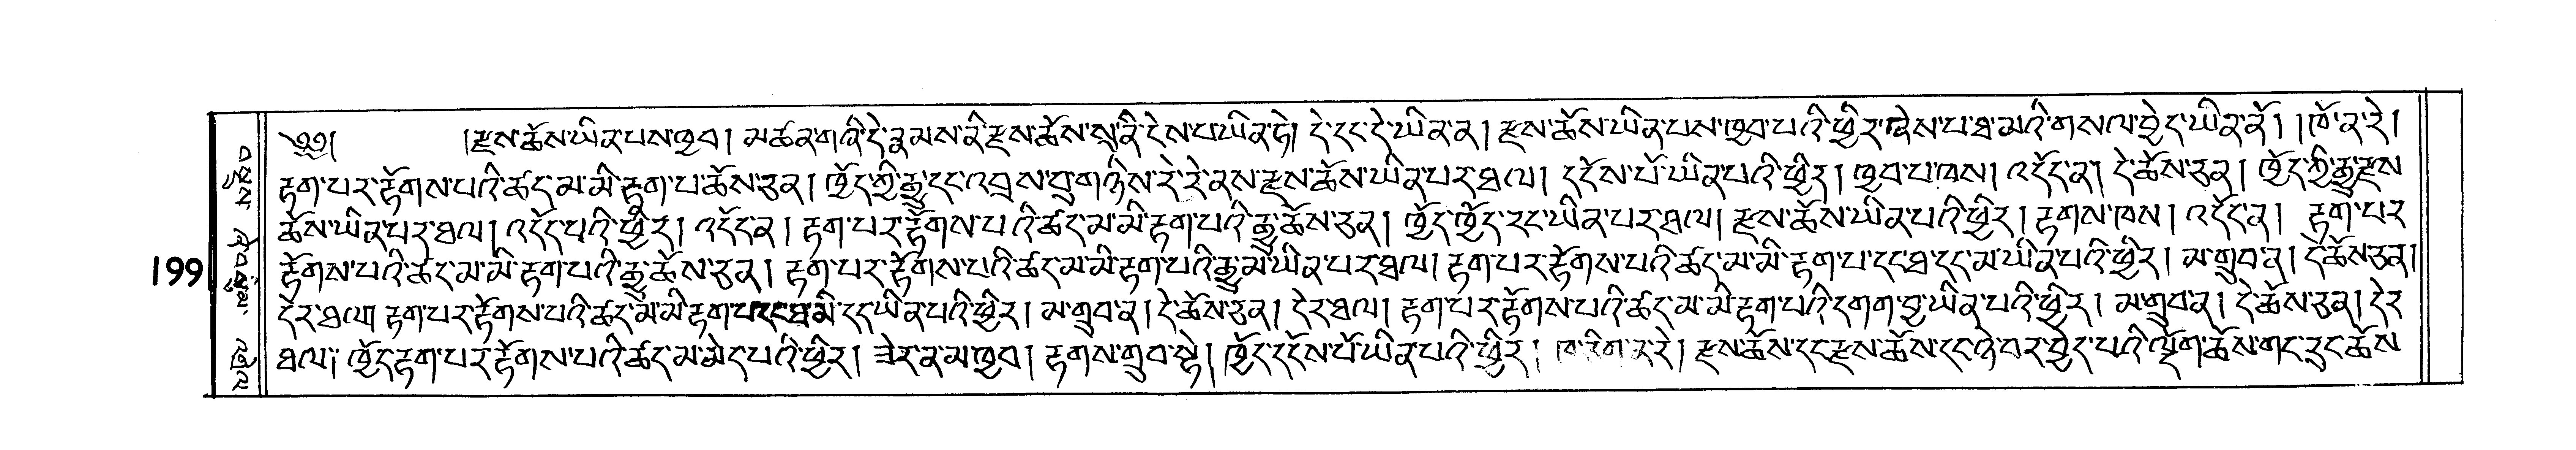༄༅། །རྫས་ཆོས་ཡིན་པས་ཁྱབ། མཚན་གཞི་དེ་རྣམས་ནི་རྫས་ཆོས་སུ་ནི་ངེས་པ་ཡིན་ཏེ། དེ་དང་དེ་ཡིན་ན། རྫས་ཆོས་ཡིན་པས་ཁྱབ་པའི་ཕྱིར་ཞེས་པ་ཐ་མའི་གསལ་བྱེད་ཡིན་ནོ། །ཁོ་ན་རེ།
རྟག་པར་རྟོགས་པའི་ཚད་མ་མི་རྟག་པ་ཆོས་ཅན། ཁྱོད་ཀྱི་རྒྱུ་དང་འབྲས་བུ་གཉིས་རེ་རེ་ནས་རྫས་ཆོས་ཡིན་པར་ཐལ། དངོས་པོ་ཡིན་པའི་ཕྱིར། ཁྱབ་པ་ཁས། འདོད་ན། དེ་ཆོས་ཅན། ཁྱོད་ཀྱི་རྒྱུ་རྫས་
ཆོས་ཡིན་པར་ཐལ། འདོད་པའི་ཕྱིར། འདོད་ན། རྟག་པར་རྟོགས་པའི་ཚད་མ་མི་རྟག་པའི་རྒྱུ་ཆོས་ཅན། ཁྱོད་ཁྱོད་རང་ཡིན་པར་ཐལ། རྫས་ཆོས་ཡིན་པའི་ཕྱིར། རྟགས་ཁས། འདོད་ན། རྟག་པར་
རྟོགས་པའི་ཚད་མ་མི་རྟག་པའི་རྒྱུ་ཆོས་ཅན། རྟག་པར་རྟོགས་པའི་ཚད་མ་མི་རྟག་པའི་རྒྱུ་མ་ཡིན་པར་ཐལ། རྟག་པར་རྟོགས་པའི་ཚད་མ་མི་རྟག་པ་དང་ཐ་དད་མ་ཡིན་པའི་ཕྱིར། མ་གྲུབ་ན། དེ་ཆོས་ཅན་
དེར་ཐལ། རྟག་པར་རྟོགས་པའི་ཚད་མ་མི་རྟག་པ་དང་ཐ་མི་དད་ཡིན་པའི་ཕྱིར། མ་གྲུབ་ན། དེ་ཆོས་ཅན། དེར་ཐལ། རྟག་པར་རྟོགས་པའི་ཚད་མ་མི་རྟག་པའི་དགག་བྱ་ཡིན་པའི་ཕྱིར། མ་གྲུབ་ན། དེ་ཆོས་ཅན། དེར་
ཐལ༑ ཁྱོད་རྟག་པར་རྟོགས་པའི་ཚད་མ་མེད་པའི་ཕྱིར། ཟེར་ན་མ་ཁྱབ། རྟགས་གྲུབ་སྟེ། ཁྱོད་དངོས་པོ་ཡིན་པའི་ཕྱིར་???་རེ། རྫས་ཆོས་དང་རྫས་ཆོས་དང་ཉེ་བར་བྱེད་པའི་ལྡོག་ཆོས་གང་རུང་ཆོས་